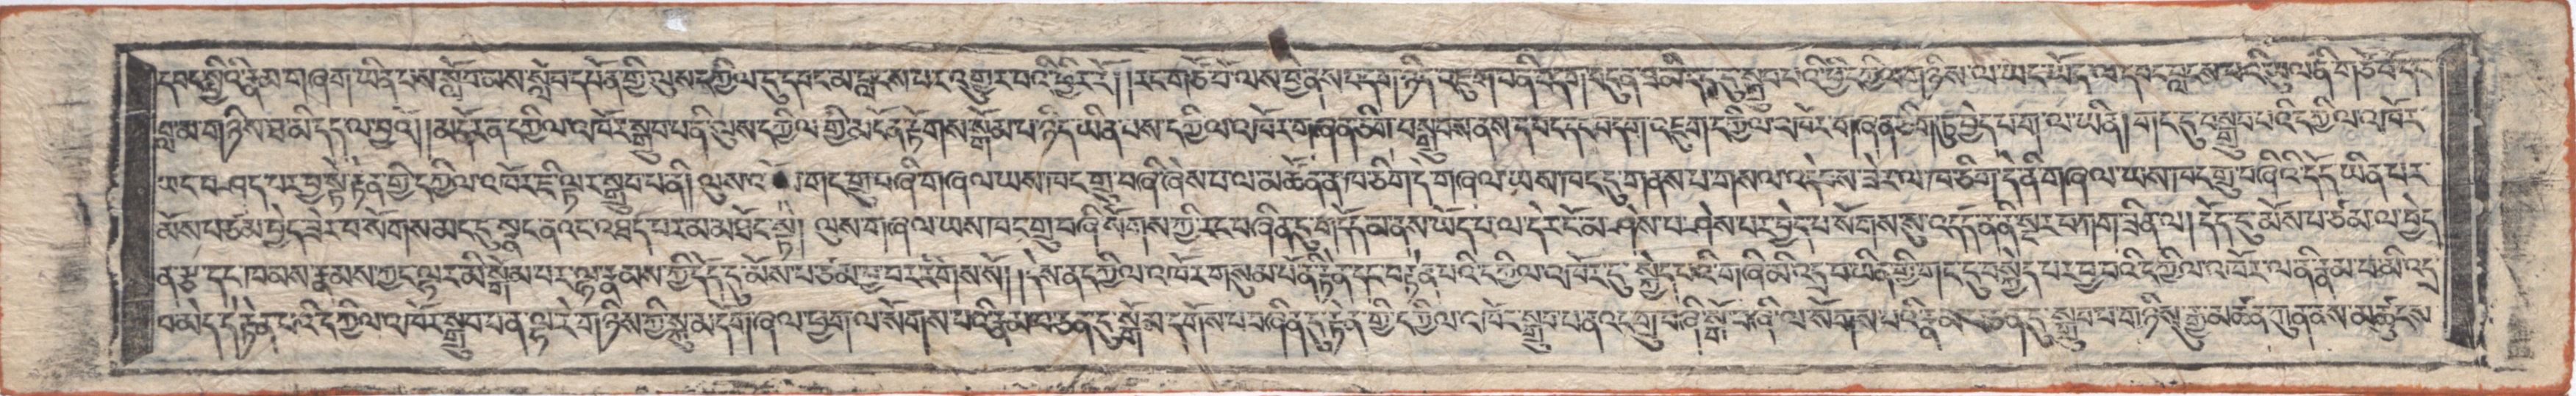དབང་སྤྱིའི་རྣམ་གཞག་ཡིན་པས་སློབ་མས་སློབ་དཔོན་གྱི་ལུས་དཀྱིལ་དུ་དབང་མ་བླངས་པར་འགྱུར་བའི་ཕྱིར་རོ། །རང་གཙོ་བོ་ལས་བྱེ་ནས་བདག་ཉིད་འཇུག་པ་ནི་བདག་བདུན་ཐ་མི་དད་དུ་སྒྲུབ་པའི་ཕྱི་དཀྱིལ་གཉིས་ལ་ཡང་ཡོད་ལ་དབང་བླངས་པའི་ཡུལ་ནི་གཙོ་བོ་དང་
བླ་མ་གཉིས་ཐ་མི་དད་ལ་བྱའོ། །མདོར་ན་དཀྱིལ་འཁོར་སྒྲུབ་པ་ནི་ལུས་དཀྱིལ་གྱི་མངོན་རྟོགས་སྒོམ་པ་ཉིད་ཡིན་པས་དཀྱིལ་འཁོར་གཞན་ཅིག་བསྒྲུབས་ནས་དབང་དང་བདག་འཇུག་དཀྱིལ་འཁོར་གཞན་ཅིག་ཏུ་བྱེད་པ་ག་ལ་ཡིན། གང་དུ་བསྒྲུབ་པའི་དཀྱིལ་འཁོར་
ཡང་བཤད་པར་བྱ་སྟེ་རྟེན་གྱི་དཀྱིལ་འཁོར་ཇི་ལྟར་སྒྲུབ་པ་ནི། ལུས་འདོམ་གང་གྲུ་བཞི་གཞལ་ཡས་ཁང་གྲུ་བཞི་ཞེས་པ་ལ་མཚོན་ན་ཁ་ཅིག་དེ་གཞལ་ཡས་ཁང་དུ་གནས་པ་གསལ་འདེབས་ཟེར་ལ་ཁ་ཅིག་དེ་ནི་གཞལ་ཡས་ཁང་གྲུ་བཞིའི་དོད་ཡིན་པར་
མོས་པ་ཙམ་བྱེད་ཟེར་བ་སོགས་མང་དུ་སྣང་ནའང་འཐད་པར་མ་མཐོང་སྟེ། ལུས་གཞལ་ཡས་ཁང་གྲུ་བཞི་སོགས་ཀྱི་རང་བཞིན་དུ་གདོད་མ་ནས་ཡོད་པ་ལ་དེར་ངོ་མ་ཤེས་པ་ཤེས་པར་བྱེད་པ་སོགས་སུ་འདོད་ན་ནི་སྔར་བཀག་ཟིན་ལ། དོད་དུ་མོས་པ་ཙམ་ལ་བྱེད་
ན་རྩ་དང་ཁམས་རྣམས་ཀྱང་ལྷར་མི་སྒོམ་པར་ལྷ་རྣམས་ཀྱི་དོད་དུ་མོས་པ་ཙམ་བྱ་བར་རིགས་སོ། །དེས་ན་དཀྱིལ་འཁོར་གསུམ་པོ་ནི་རྟེན་དང་བརྟེན་པའི་དཀྱིལ་འཁོར་དུ་སྐྱེད་པའི་གཞི་མི་འདྲ་བ་ཡིན་གྱི་གང་དུ་བསྐྱེད་པར་བྱ་བའི་དཀྱིལ་འཁོར་ལ་ནི་རྣམ་པ་མི་འདྲ་
བ་མེད་དེ་རྟེན་པའི་དཀྱིལ་འཁོར་སྒྲུབ་པ་ན་ལྷ་རེ་གཉིས་ཀྱི་སྐུ་མདོག་ཞལ་ཕྱག་ལ་སོགས་པའི་རྣམ་པ་ཅན་དུ་སྒོམ་དགོས་པ་བཞིན་དུ་རྟེན་གྱི་དཀྱིལ་འཁོར་སྒྲུབ་པ་ནའང་གྲུ་བཞི་སྒོ་བཞི་ལ་སོགས་པའི་རྣམ་པ་ཅན་དུ་སྒྲུབ་པ་གཉིས་རྒྱུ་མཚན་ཀུན་ནས་མཚུངས་